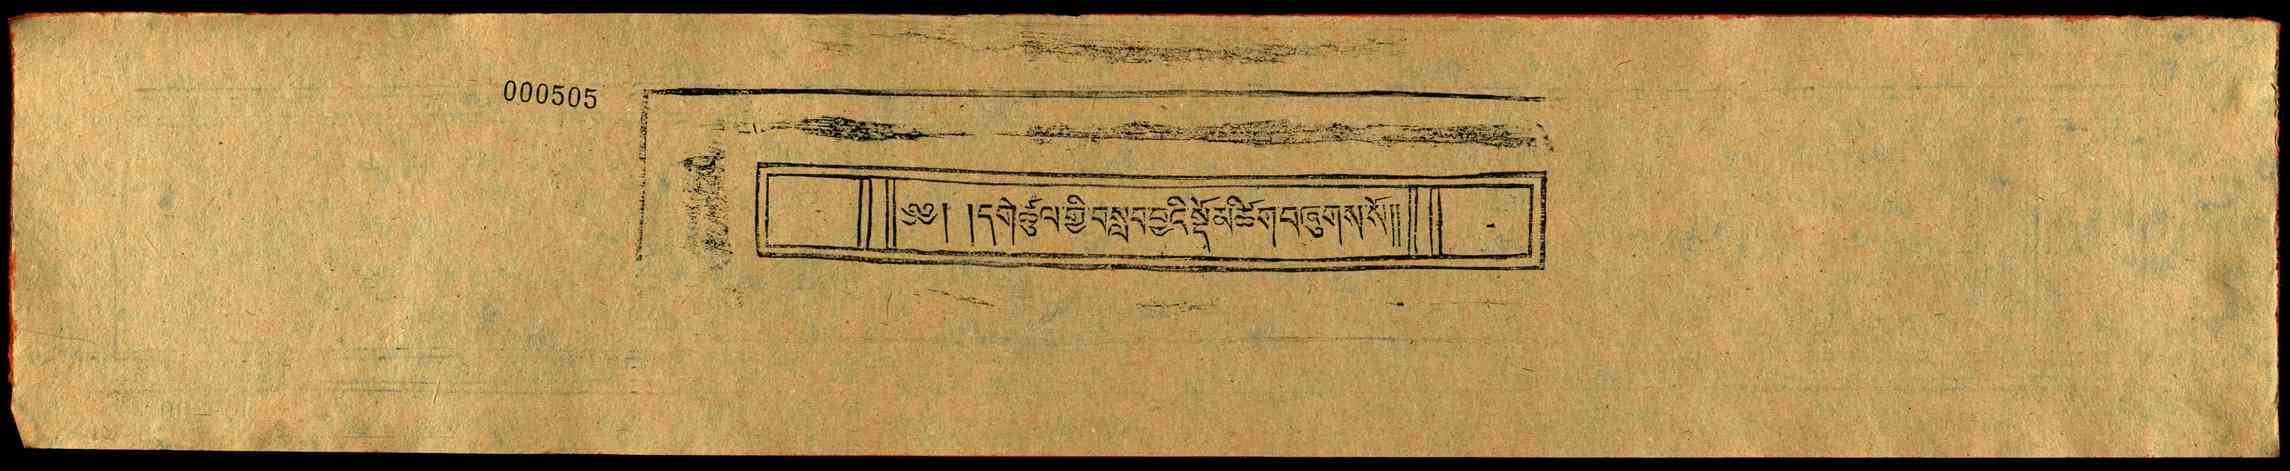༄༅། །དགེ་ཚུལ་གྱི་བསླབ་བྱའི་སྡོམ་ཚིག་བཞུགས་སོ།།